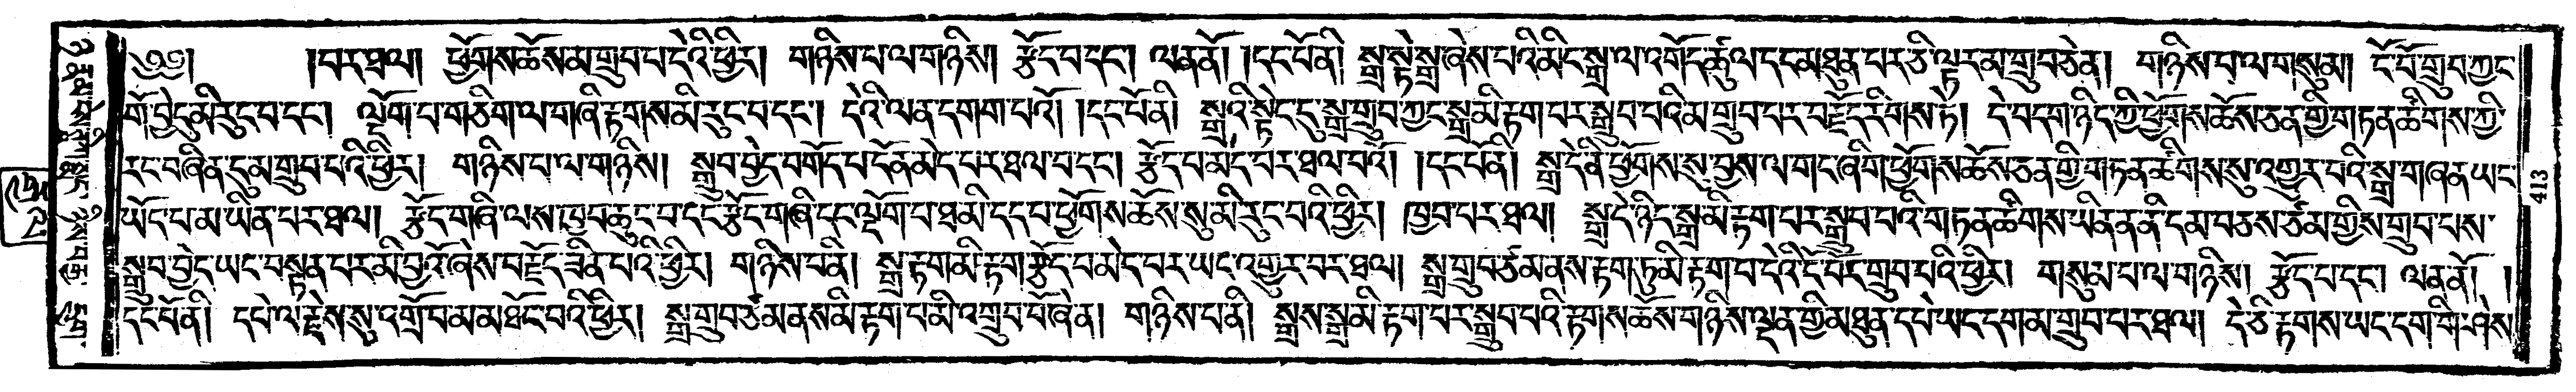༄༅། །བར་ཐལ། ཕྱོགས་ཆོས་མ་གྲུབ་པ་དེའི་ཕྱིར། གཉིས་པ་ལ་གཉིས། རྩོད་བ་དང་། ལན་ནོ། །དང་པོ་ནི། སྒྲ་སྟེ་སྒྲ་ཞེས་པའི་མིང་སྒྲ་ལ་འགོད་ཚུལ་དང་མཐུན་པར་ཅི་ལྟར་མ་གྲུབ་ཅེ་ན། གཉིས་པ་ལ་གསུམ། ངོ་བོ་གྲུབ་ཀྱང་
གོ་བྱེད་དུ་མི་རུང་བ་དང་། ལྡོག་པ་གཅིག་ལ་གཞི་རྟགས་མི་རུང་བ་དང་། དེའི་ལན་དགག་པའོ། །དང་པོ་ནི། སྒྲའི་སྟེང་དུ་སྒྲ་གྲུབ་ཀྱང་སྒྲ་མི་རྟག་པར་སྒྲུབ་པའི་མ་གྲུབ་པར་བརྗོད་རིགས་ཏེ། དེ་བདག་ཉིད་ཀྱི་ཕྱོགས་ཆོས་ཅན་གྱི་གཏན་ཚིགས་ཀྱི་
རང་བཞིན་དུ་མ་གྲུབ་པའི་ཕྱིར། གཉིས་པ་ལ་གཉིས། སྒྲུབ་བྱེད་བགོད་པ་དོན་མེད་པར་ཐལ་བ་དང་། རྩོད་པ་མེད་པར་ཐལ་བའོ། །དང་པོ་ནི། སྒྲ་དེ་ནི་ཕྱོགས་སུ་བྱས་ལ་གང་ཞིག་ཕྱོགས་ཆོས་ཅན་གྱི་གཏན་ཚིགས་སུ་འགྱུར་བའི་སྒྲ་གཞན་ཡང་
ཡོད་པ་མ་ཡིན་པར་ཐལ། རྩོད་གཞི་ལས་ཁྱབ་ཆུང་བ་དང་རྩོང་གཞི་དང་ལྡོག་པ་ཐ་མི་དད་པ་ཕྱོགས་ཆོས་སུ་མི་རུང་བའི་ཕྱིར། ཁྱབ་པར་ཐལ། སྒྲ་དེ་ཉིད་སྒྲ་མི་རྟག་པར་སྒྲུབ་པའི་གཏན་ཚིགས་ཡིན་ན་ནི་དམ་བཅས་ཙམ་གྱིས་གྲུབ་པས་
སྒྲུབ་བྱེད་ཡང་བསྟན་པར་མི་བྱའོ་ཞེས་བརྗོད་ཟིན་པའི་ཕྱིར། གཉིས་པ་ནི། སྒྲ་རྟག་མི་རྟག་རྩོད་པ་མེད་བར་ཡང་འགྱུར་བར་ཐལ། སྒྲ་གྲུབ་ཙམ་ནས་རྟག་ཏུ་མི་རྟག་པ་དེའི་ངོ་བོར་གྲུབ་པའི་ཕྱིར། གསུམ་པ་ལ་གཉིས། རྩོད་པ་དང་། ལན་ནོ། །
དང་པོ་ནི། དཔེ་ལ་རྗེས་སུ་འགྲོ་བ་མ་མཐོང་བའི་ཕྱིར། སྒྲ་གྲུབ་ཙམ་ནས་མི་རྟག་པ་མི་འགྲུབ་བོ་ཞེ་ན། གཉིས་པ་ནི། སྒྲས་སྒྲ་མི་རྟག་པར་སྒྲུབ་པའི་རྟགས་ཆོས་གཉིས་ལྡན་གྱི་མཐུན་དཔེ་ཡང་དག་མ་གྲུབ་པར་ཐལ། དེ་ཅི་རྟགས་ཡང་དག་གི་ཤེས་